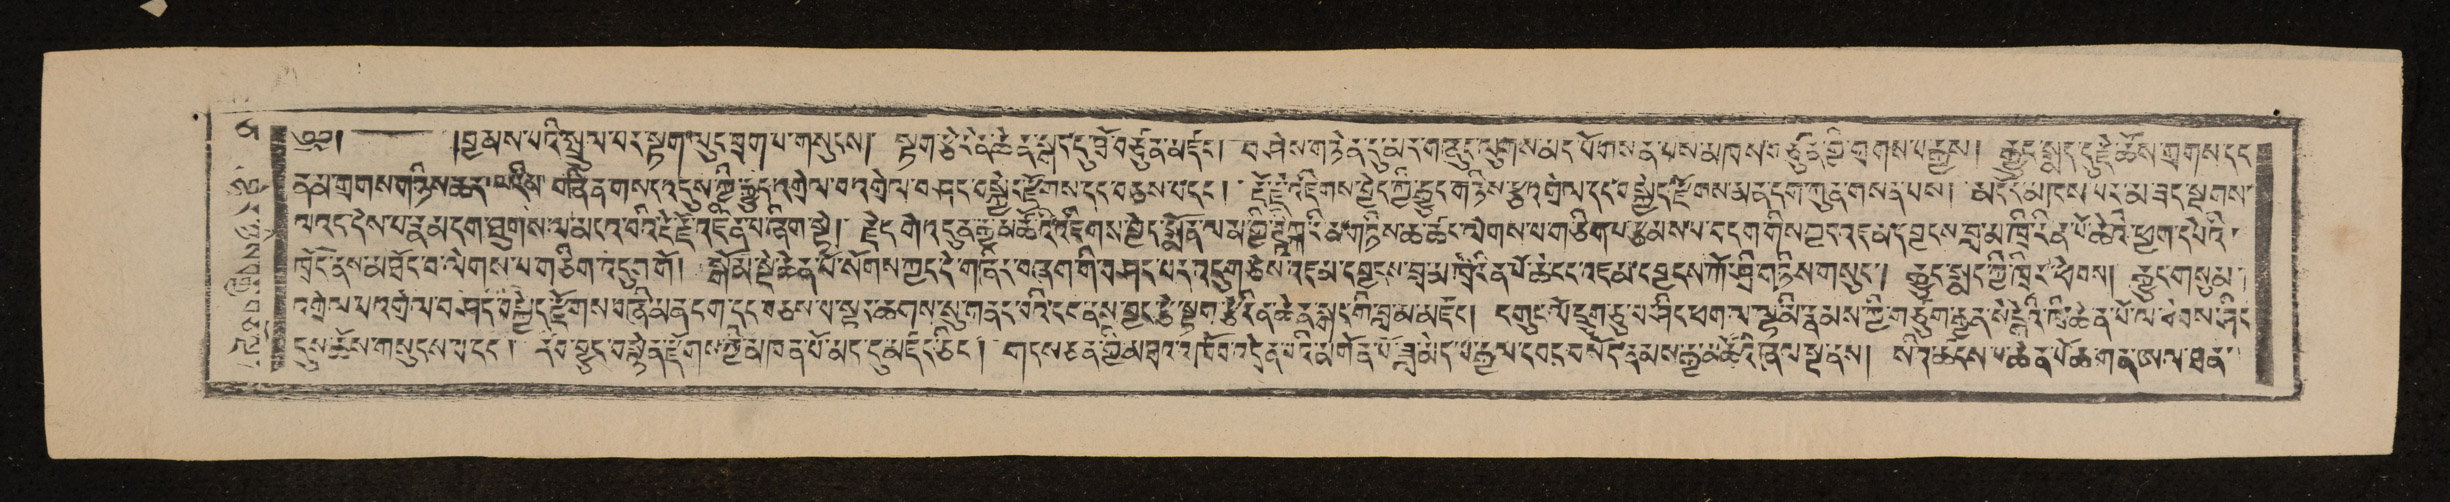༄༅། །བྱམས་པའི་སྤྲུལ་བར་སྟག་ལུང་བྲག་པ་གསུངས། སྟག་རྩེ་རིན་ཆེན་སྒང་དུ་ཐོ་བཙུན་མཛད། བཤེས་གཉེན་དུ་མར་གཞུང་ལུགས་མང་པོ་གསན་པས་མཁས་བཙུན་གྱི་གྲགས་པ་རྒྱས། རྒྱུད་སྨད་དུ་རྗེ་ཆོས་གྲགས་དང་
ནམ་གྲགས་གཉིས་ཆར་ལ་རིམ་བཞིན་གསང་འདུས་ཀྱི་རྒྱུད་འགྲེལ་པ་འགྲེལ་བཤད་བསྐྱེད་རྫོགས་དང་བཅས་པ་དང་། རྡོ་རྗེ་འཇིགས་བྱེད་ཀྱི་རྒྱུད་གཉིས་རྩ་འགྲེལ་དང་བསྐྱེད་རྫོགས་མན་ངག་ཀུན་གསན་པས། མདོར་མཁས་པར་མ་ཟད་སྔགས་
ལའང་ངེས་པ་རྣམ་དག་ཐུགས་ལ་མངའ་བའི་རྡོ་རྗེ་འཛིན་པ་ཞིག་སྟེ། རྗེ་དགེ་འདུན་རྒྱ་མཚོའི་འཇིགས་བྱེད་སྨོན་ལམ་གྱི་ཊཱིཀྐ་རིམ་གཉིས་ཆ་ཚད་ལེགས་པ་གཅིག་བརྩམས་པ་བདག་གིས་ཀྱང་འཇམ་དབྱངས་བླ་མ་ཁྲི་རིན་པོ་ཆེའི་ཕྱག་དཔེའི་
ཁྲོད་ནས་མཐོང་བ་ལེགས་པ་གཅིག་འདུག་གོ། སྒོམ་སྡེ་ཆེན་པོ་སོགས་ཀྱང་དེ་གཞིར་བཞག་གི་བཤད་པར་འདུག་ཅེས་འཇམ་དབྱངས་བླ་མ་ཁྲི་རིན་པོ་ཆེ་དང་འཇམ་དབྱངས་ཀོ་ཤྲི་གཉིས་གསུང་། རྒྱུད་སྨད་ཀྱི་ཁྲིར་ཕེབས། རྒྱུད་གསུམ་
འགྲེལ་པ་འགྲེལ་བཤད་བསྐྱེད་རྫོགས་བཞི་མན་ངག་དང་བཅས་པ་སྟར་ཆགས་སུ་གནང་བའི་ངང་ནས་བྱང་རྩེ་སྟག་རྩེ་རིན་ཆེན་སྒང་གི་བླ་མ་མཛད། དགུང་ལོ་དྲུག་ཅུ་པ་ཤིང་ཕག་ལ་ལྷ་མི་རྣམས་ཀྱི་གཙུག་རྒྱན་སེངྒེའི་ཁྲི་ཆེན་པོ་ལ་ཕེབས་ཤིང་
དུས་ཆོས་གསུངས་བ་དང་། རབ་བྱུང་བསྙེན་རྫོགས་ཀྱི་མཁན་པོ་མང་དུ་མཛད་ཅིང་། གངས་ཅན་གྱི་མཐའ་འཁོབ་འདྲེན་པའི་མགོན་པོ་ཟླ་མེད་པ་རྒྱལ་དབང་བསོད་ནམས་རྒྱ་མཚོའི་ཞལ་སྔ་ནས། སའི་ཚངས་པ་ཆེན་པོ་ཆ་གན་ཨལ་ཐན་